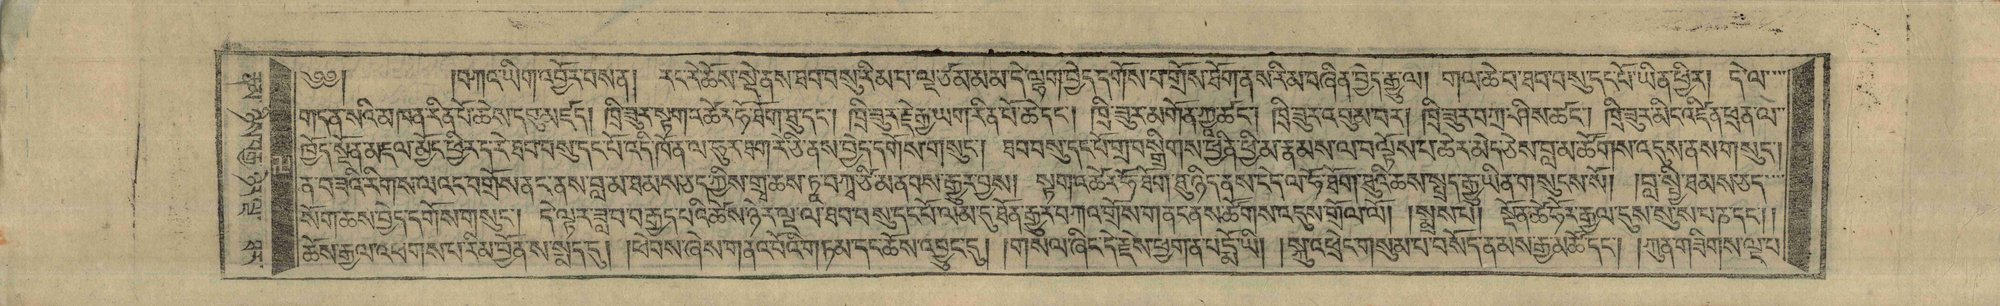༄༅། །བཀའ་ཡིག་འབྱོར་བས་ན། རང་རེ་ཆོས་སྡེ་ནས་ཐབ་བསུ་རིམ་པ་ལྔ་ཙམ་མ་མ་དེ་ལྷག་བྱེད་དགོས་པ་གྲོས་ཐོག་ནས་རིམ་བཞིན་བྱེད་རྒྱུ་ལ། གལ་ཆེ་བ་ཐབ་བསུ་དང་པོ་ཡིན་ཕྱིར། དེ་ལ་
གདན་སའི་མཁན་རིན་པོ་ཆེས་དབུ་མཛད། ཁྲི་ཟུར་སྟག་འཚེར་ཧོ་ཐོག་ཐུ་དང་། ཁྲི་ཟུར་རྗེ་རྒྱ་ཡག་རིན་པོ་ཆེ་དང་། ཁྲི་ཟུར་མགོན་ཀྱཱ་ཚང་། ཁྲི་ཟུར་འབུམ་པར། ཁྲི་ཟུར་བཀྲ་ཤིས་ཚང་། ཁྲི་ཟུར་མིང་འཛིན་ཕྲན་ལ་
ཁྱོད་སྔོན་མཇལ་མྱོང་ཕྱིར་དེར་ཐབ་བསུ་དང་པོ་འདི་ཁོ་ན་ལ་ཧུར་ཐག་རེ་ཅི་ནས་བྱེད་དགོས་གསུང་། ཐབ་བསུ་དང་པོ་གྲ་བསྒྲིགས་ཕྱིན་ཕྱི་མ་རྣམས་ལ་བལྟོས་པ་ཆེར་མེད་ཅེས་བླ་མ་ཚོགས་འདུས་ནས་གསུང་།
ན་བཟའི་རིགས་ལའང་བགྲོས་ནང་ནས་བླ་མ་ཐམས་ཅད་ཀྱིས་གྲྭ་ཆས་ཏཱ་བཀྭ་ཙི་མནབས་རྒྱུར་བྱས། སྟག་འཚེར་ཧོ་ཐོག་ཐུ་ཉིད་ནས་ངེད་ལ་ཧོ་ཐོག་ཐུའི་ཆས་སྤྲད་རྒྱུ་ཡིན་གསུངས་སོ། །བླ་སྤྱི་ཐམས་ཅད་
སོག་ཆས་བྱེད་དགོས་གསུང་། དེ་ལྟར་ཟླ་བ་བརྒྱད་པའི་ཚེས་ཉེར་ལྔ་ལ་ཐབ་བསུ་དང་པོ་ལམ་དུ་ཐོན་རྒྱུར་བཀའ་གྲོས་གནང་ནས་ཚོགས་འདུས་གྲོལ་ལོ། །སྨྲས་པ། སྔོན་ཚེ་ཧོར་རྒྱལ་དུས་སུ་ས་པཎ་དང་། །
ཆོས་རྒྱལ་འཕགས་པ་རིམ་བྱོན་ས་སྨད་དུ། །ཕེབས་ཞེས་གནའ་བོའི་གཏམ་དང་ཆོས་འབྱུང་དུ། །གསལ་ཞིང་དེ་རྗེས་ཕྱག་ན་པདམོ་ཡི། །སྐུ་འཕྲེང་གསུམ་པ་བསོད་ནམས་རྒྱ་མཚོ་དང་། །ཀུན་གཟིགས་ལྔ་པ་